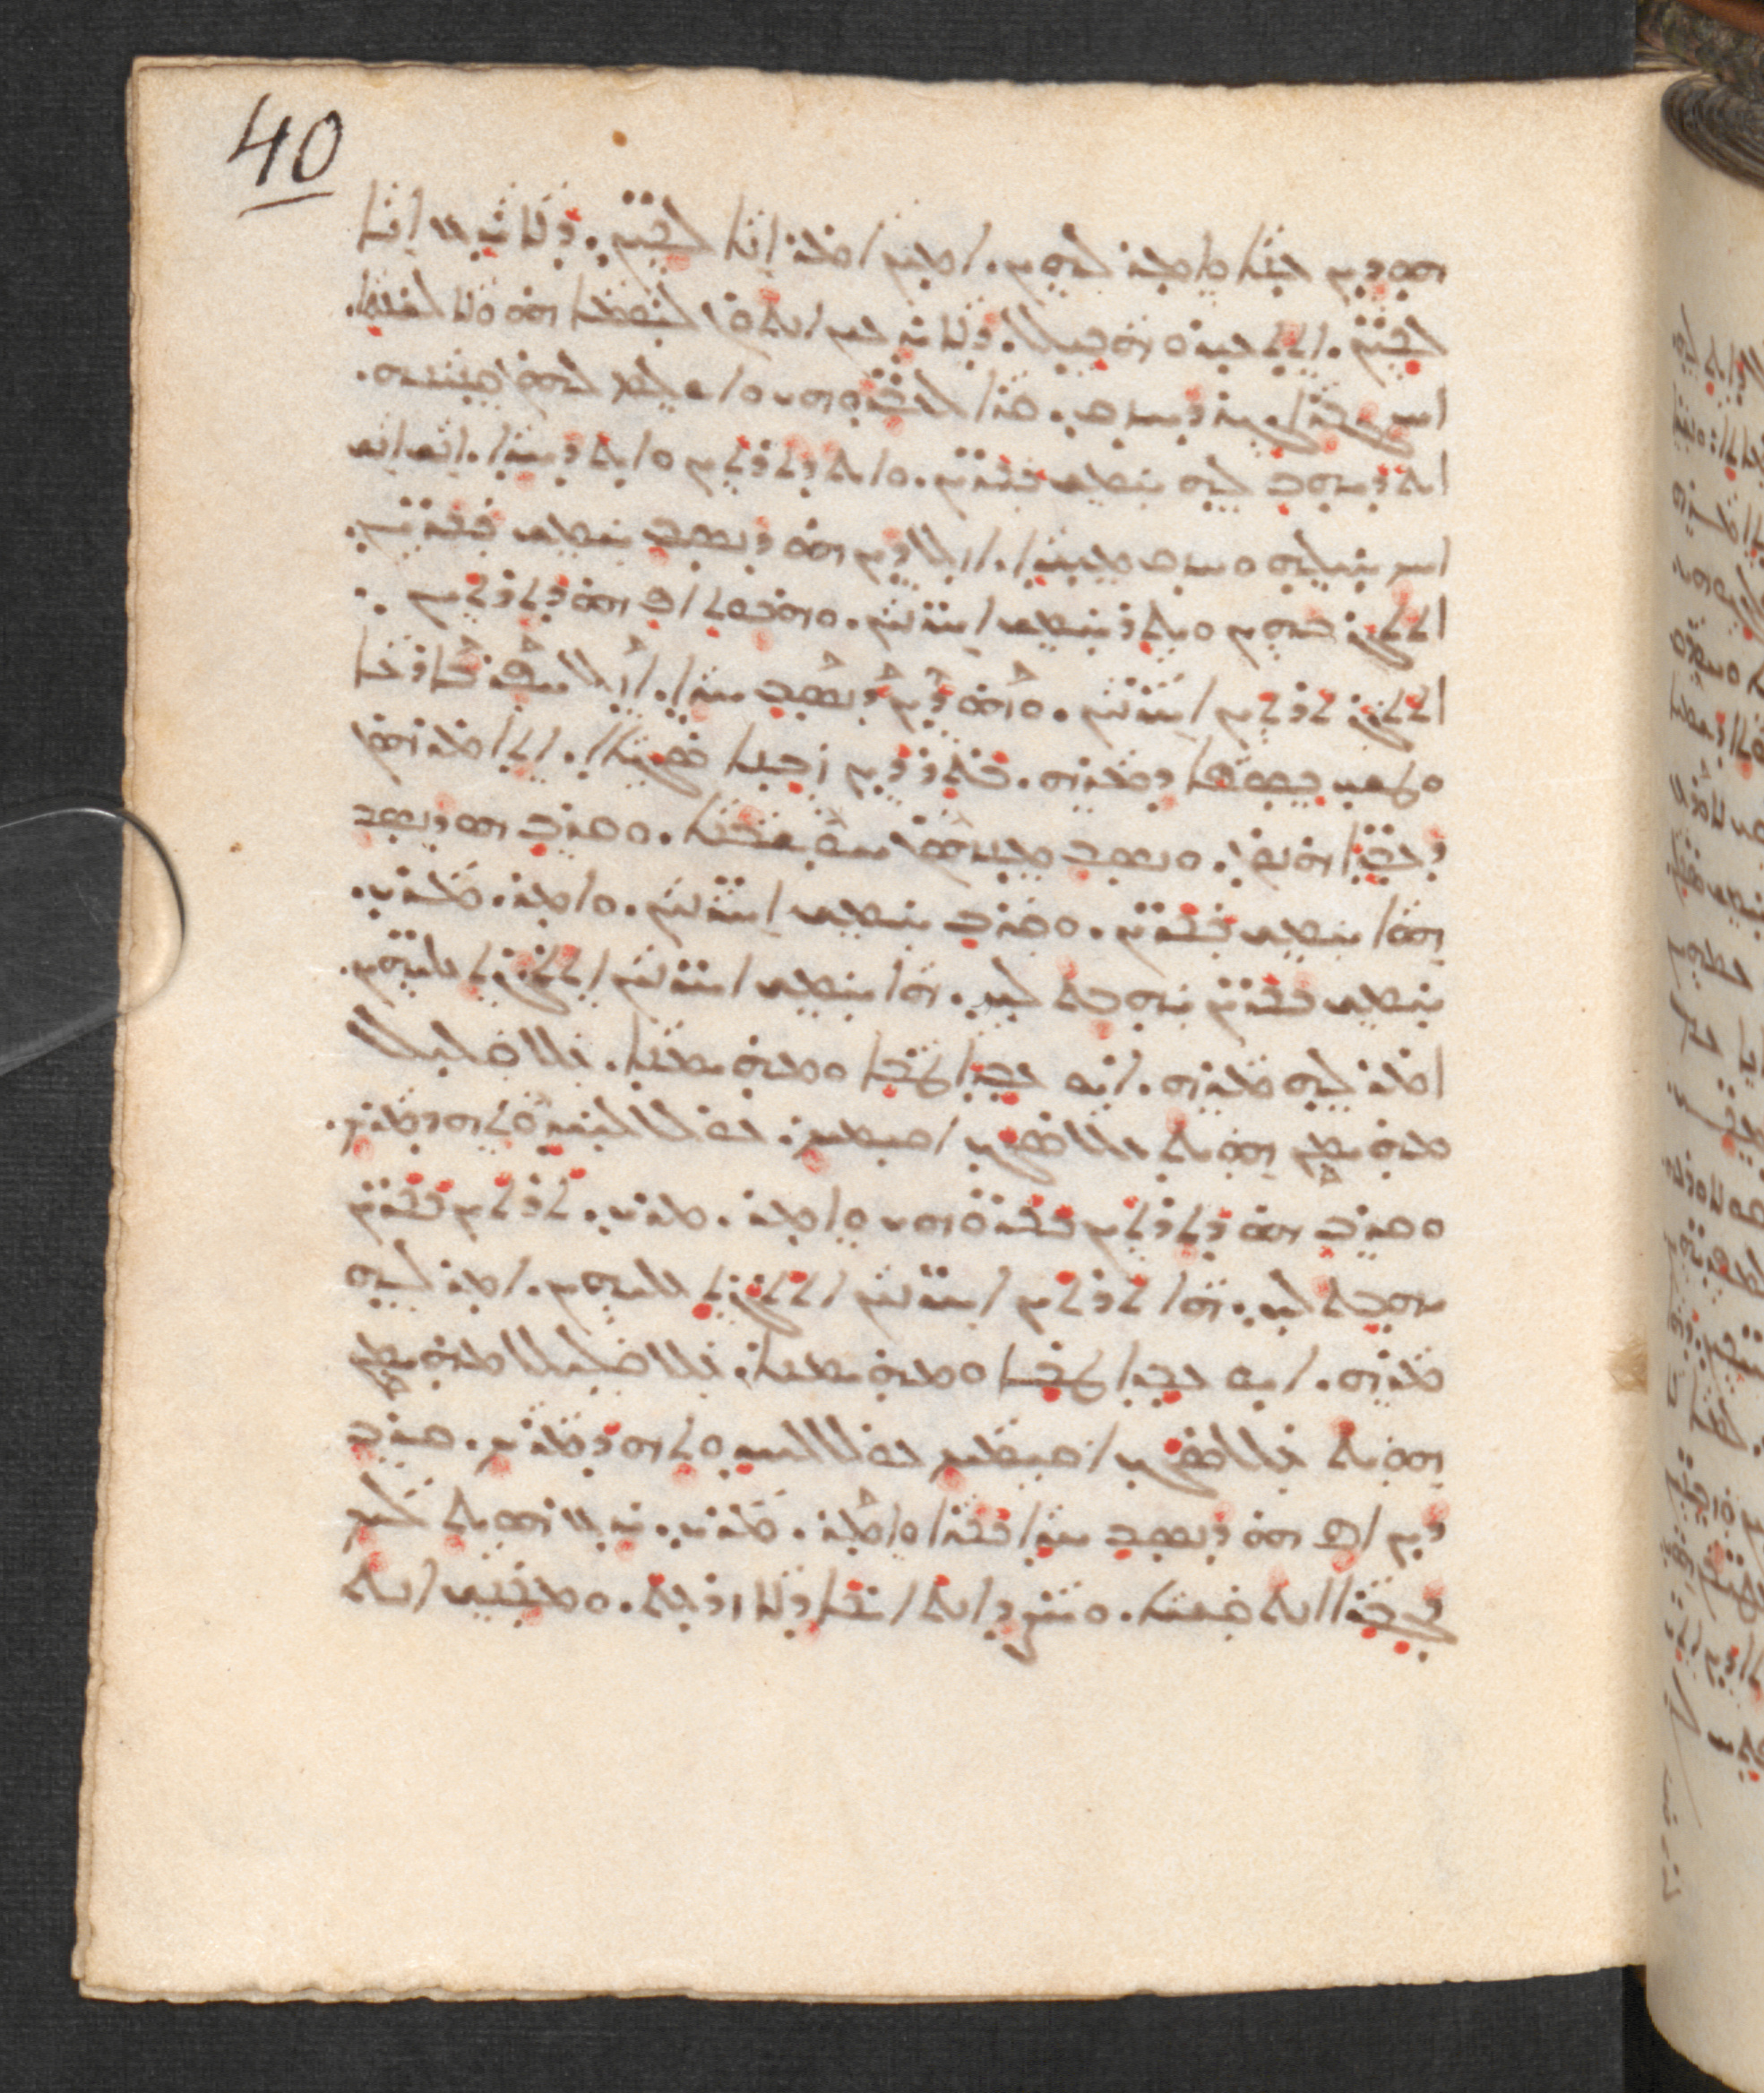ܗܘ̣ ܕܝܢ ܥܢ̣ܐ ܘܐܡ̣ܪ ܠܗܝܢ. ܐܡܝܢ ܐܡ̇ܪ ܐܢܐ ܠܟܝ̈ܢ܆ ܕܠܐ ܝ̇ܕܥ ܐܢܐ
ܠܟܝ̈ܢ. ܐܬܬܥܝܪܘ ܗܟܝܠ. ܕܠܐ ܝ̇ܕܥܝܢ ܐܢܬܘܢ ܠܝܘܡܐ ܗ̇ܘ ܘܠܐ ܠܫܥܬܐ.
ܐܝܟ ܓܒܪܐܓܝܪ ܕܚܙܩ܆ ܩܪܐ ܠܥܒ̈ܕܘܗܝ ܘܐܫܠܡ ܠܗܘܢ ܩܢܝܢܗ.
ܐܝܬ ܕܝܗ̣ܒ ܠܗ ܚܡܫ ܟܟܪ̈ܝܢ. ܘܐܝܬ ܕܬܪܬܝܢ ܘܐܝܬ ܕܚܕܐ. ܐܢܫ ܐܢܫ
ܐܝܟ ܚܝܠܗ ܘܚܙ̣ܩ ܡܚܕܐ. ܐܙ̣ܠ ܕܝܢ ܗ̇ܘ ܕܢܣ̣ܒ ܚܡܫ ܟܟܪ̈ܝܢ:
ܐܬܬܓܪ ܒܗܝܢ ܘܝܬܪܚܡܫ ܐܚܪ̈ܢܝܢ. ܘܗܟܘܬ ܐܦ ܗ̇ܘ ܕܬܪܬܝܢ܆
ܐܬܬܓܪ ܬܪܬܝܢ ܐܚܪ̈ܢܝܢ. ܘܗ̇ܘ ܕܝܢ ܕܢܣ̣ܒ ܚܕܐ. ܐܙ̣ܠ ܚܦܪ ܒܐܪܥܐ
ܘܛܫܝ ܟܣܦܐ ܕܡܪܗ. ܒܬܪ ܕܝܢ ܙܒܢܐ ܣܓܝܐܐ. ܐܬ̣ܐ ܡܪܗܘܢ
ܕܥܒ̈ܕܐ ܗܢܘܢ܆ ܘܢܣ̣ܒ ܡܢܗܘܢ ܚܘܫܒܢܐ. ܘܩܪܒ ܗܘ ܕܢܣ̣ܒ
ܗܘܐ ܚܡܫ ܟܟܪ̈ܝܢ. ܘܩܪܒ ܚܡܫ ܐܚܪ̈ܢܝܢ. ܘܐܡ̣ܪ. ܡܪܝ܆
ܚܡܫ ܟܟܪ̈ܝܢ ܝܗܒܬ ܠܝ܆ ܗܐ ܚܡܫ ܐܚܪ̈ܢܝܢ ܐܬܬܓܪܬ ܥܠܝܗ̈ܝܢ.
ܐܡ̇ܪ ܠܗ ܡܪܗ. ܐܝܘ ܥܒܕܐ ܛܒܐ ܘܡܗܝܡܢܐ. ܥܠ ܩܠܝܠ
ܡܗܝܡܢ ܗܘܝܬ ܥܠ ܣܓܝ ܐܩܝܡܟ: ܥܘܠ ܠܚܕܘܬܗ ܕܡܪܟ
ܘܩܪܒ ܗ̇ܘ ܕܬܪܬܝܢ ܟܟܪ̈ܘܗܝ ܘܐܡ̣ܪ. ܡܪܝ܆ ܬܪܬܝܢ ܟܟܪ̈ܝܢ
ܝܗܒܬ ܠܝ܆ ܗܐ ܬܪܬܝܢ ܐܚܪ̈ܢܝܢ ܐܬܬܓܪܬ ܥܠܝܗܝܢ. ܐܡܼܪ ܠܗ
ܡܪܗ. ܐܝܘ ܥܒܕܐ ܛܒܐ ܘܡܗ̇ܝܡܢܐ: ܥܠ ܩܠܝܠ ܡܗܝܡܢ
ܗܘܝܬ ܟܠ ܣܓܝ ܐܩܝܡܟ ܥܘܠ ܠܚܕܘܬܗ ܕܡܪܟ. ܩܪܒ
ܕܝܢ ܐܦ ܗ̇ܘ ܕܢܣ̣ܒ ܚܕܐ ܟܟܪܐ ܘܐܡ̣ܪ܆ ܡܪܝ ܝ̇ܕܥ ܗܘܝܬ ܠܟ
ܕܓܒܪܐ ܐܢܬ ܩܫܝܐ. ܘܚ̇ܨܕ ܐܢܬ ܐܝܟܐ ܕܠܐ ܙܪܥ̣ܬ. ܘܡܟܢܫ ܐܢܬ
40